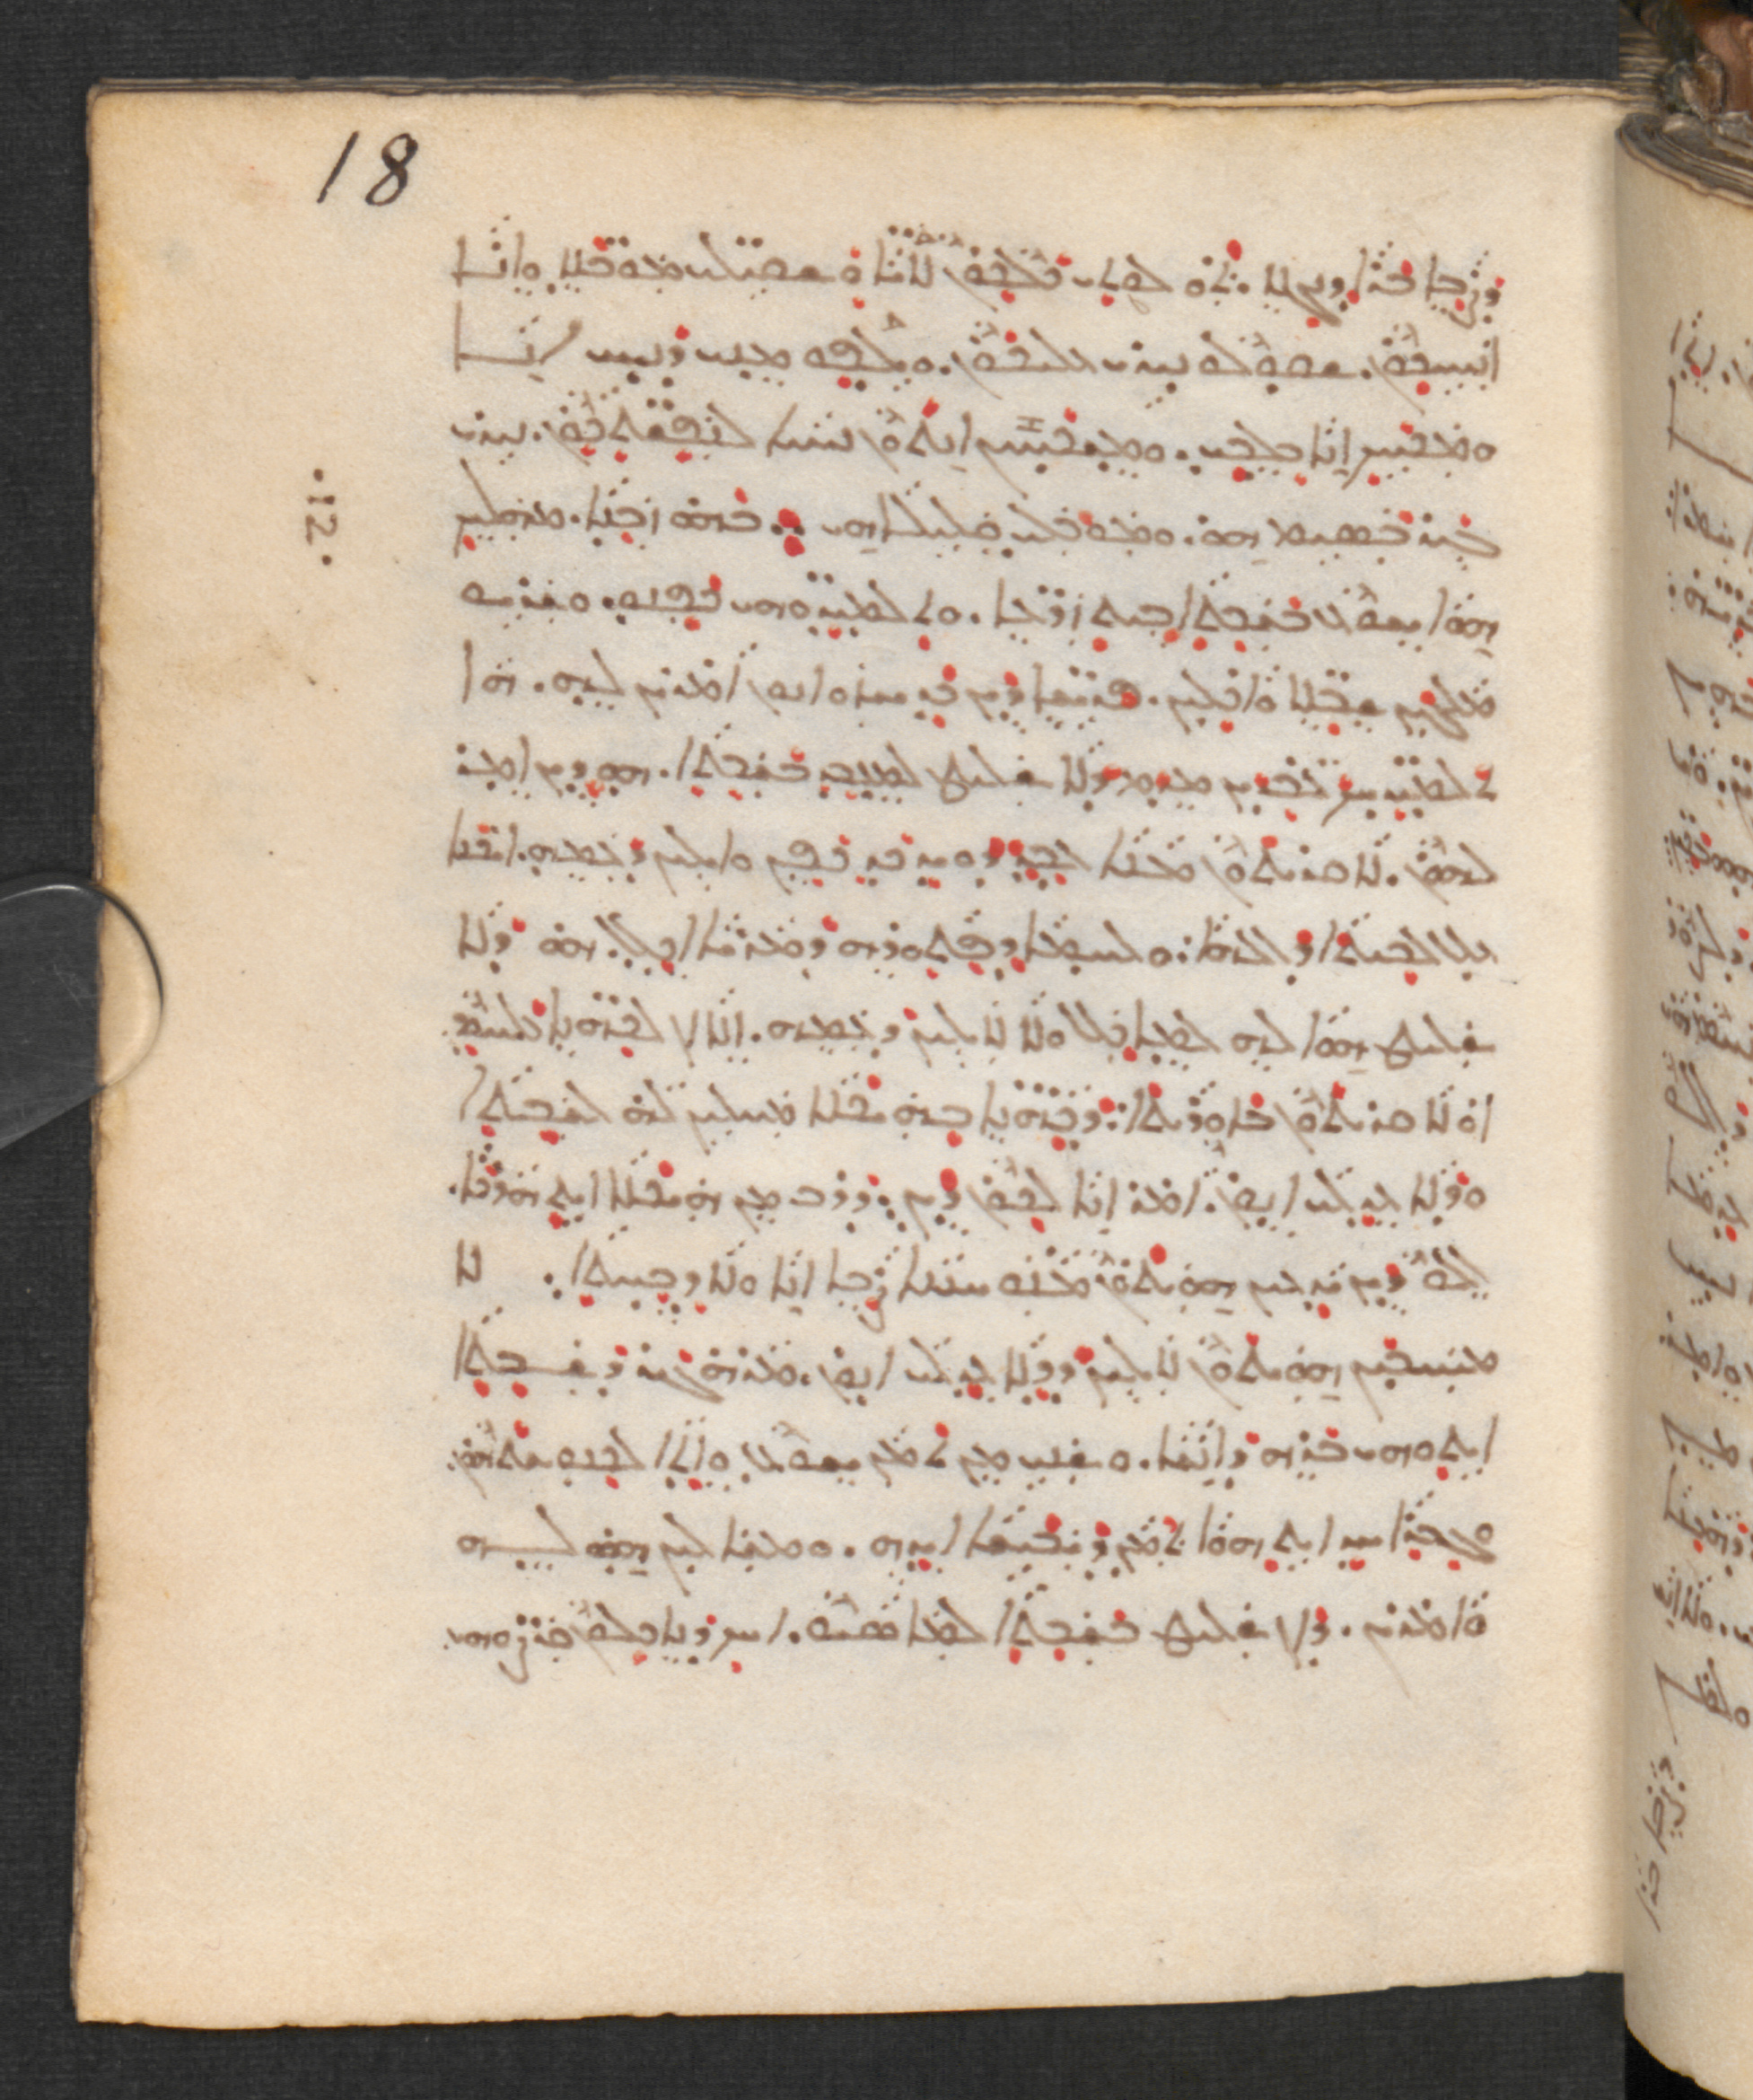ܕܨܒ̣ܐ ܒܪܐ ܕܢܓܠܐ. ܬܘ ܠܘܬܝ ܟܠܟܘܢ ܠܐܝ̈ܐ ܘܫܩܝ̈ܠܝ ܡܘܒ̈ܠܐ ܘܐܢܐ
ܐܢܝܚܟܘܢ: ܫܩܘܠܘ ܢܝܪܝ ܥܠܝܟܘܢ. ܘܝܠܦܘ ܡܢܝ ܕܢܝܚ ܐܢܐ
ܘܡܟܝܟ ܐܢܐ ܒܠܒܝ܆ ܘܡܫܟܚܝܢ ܐܢܬܘܢ ܢܝܚܐ ܠܢܦܫ̈ܬܟܘܢ. ܢܝܪܝ
ܓܝܪ ܒܣܝܡ ܗܘ܇ ܘܡܘܒܠܝ ܩܠܝܠܐܗܝ ܀ ܒܗ̇ܘ ܙܒܢܐ. ܡܗܠܟ
ܗܘܐ ܝܫܘܥ ܒܫܒܬܐ ܒܝܬ ܙܪ̈ܥܐ. ܘܬܠܡܝ̈ܕܘܗܝ ܟܦܢܘ܆ ܘܫܪܝܘ
ܡܠܓܝܢ ܫܒ̈ܠܐ ܘܐ̇ܟܠܝܢ. ܦܪ̈ܝܫܐ ܕܝܢ ܟܕ ܚܙܘ ܐܢܘܢ ܐܡ̇ܪܝܢ ܠܗ. ܗܐ
ܬܠܡܝ̈ܕܝܟ ܥ̇ܒܕܝܢ ܡܕܡ ܕܠܐ ܫܠܝܛ ܠܡܥ̣ܒܕ ܒܫܒܬܐ. ܗ̣ܘ ܕܝܢ ܐܡ̣ܪ
ܠܗܘܢ. ܠܐ ܩܪܝܬܘܢ ܡܢܐ ܥܒ̣ܕ ܕܘܝܕ ܟܕ ܟܦܢ ܘܐܝܠܝܢ ܕܥܡܗ ܐܝܟܢܐ
ܥ̣ܠ ܠܒܝܬܐ ܕܐܠܗܐ: ܘܠܚܡܐ ܕܦܬܘܪܗ ܕܡܪܝܐ ܐܟ̣ܠ. ܗ̇ܘ ܕܠܐ
ܫܠܝܛ ܗܘܐ ܠܗ ܠܡܐܟܠ ܘܠܐ ܠܐܝܠܝܢ ܕܥܡܗ. ܐܠܐ ܐܢ ܠܟ̈ܗܢܐ ܒܠܚܘܕ
ܐܘ ܠܐ ܩܪܝܬܘܢ ܒܐܘܪܝܬܐ܇ ܕܟܗ̈ܢܐ ܒܗܝܟܠܐ ܡܚܠܝܢ ܠܗ̇ ܠܫܒܬܐ
ܘܕܠܐ ܥܕܠܝ ܐܢܘܢ. ܐܡ̇ܪ ܐܢܐ ܠܟܘܢ ܕܝܢ܆ ܕܪܒ ܡ̣ܢ ܗܝܟܠܐ ܐܝܬ ܗܪܟܐ.
ܐܠܘ ܕܝܢ ܝ̇ܕܥܝܢ ܗܘܝܬܘܢ ܡܢܘ ܚܢܢܐ ܨ̇ܒܐ ܐܢܐ ܘܠܐ ܕܒܚܬܐ܆ ܠܐ
ܡܚܝܒܝܢ ܗܘܝܬܘܢ ܠܐܝܠܝܢ ܕܕܠܐ ܥܕܠܝ ܐܢܘܢ. ܡܪܗܓܝܪ ܕܫܒܬܐ
ܐܝܬܘܗܝ ܒܪܗ ܕܐܢܫܐ. ܘܫܢܝ ܡ̣ܢ ܬܡܢ ܝܫܘܥ ܘܐܬ̣ܐ ܠܟܢܘܫܬܗܘܢ
ܘܓܒܪܐ ܚܕ ܐܝܬ ܗܘܐ ܬܡܢ ܕܝܒܝܫܐ ܐܝܕܗ. ܘܡܫܐܠܝܢ ܗܘܘ ܠܗ
ܘܐܡ̇ܪܝܢ. ܕܐܢ ܫܠܝܛ ܒܫܒܬܐ ܠܡܐܣܝܘ. ܐܝܟ ܕܢܐܟܠܘܢ ܩܪ̈ܨܘܗܝ
18
12